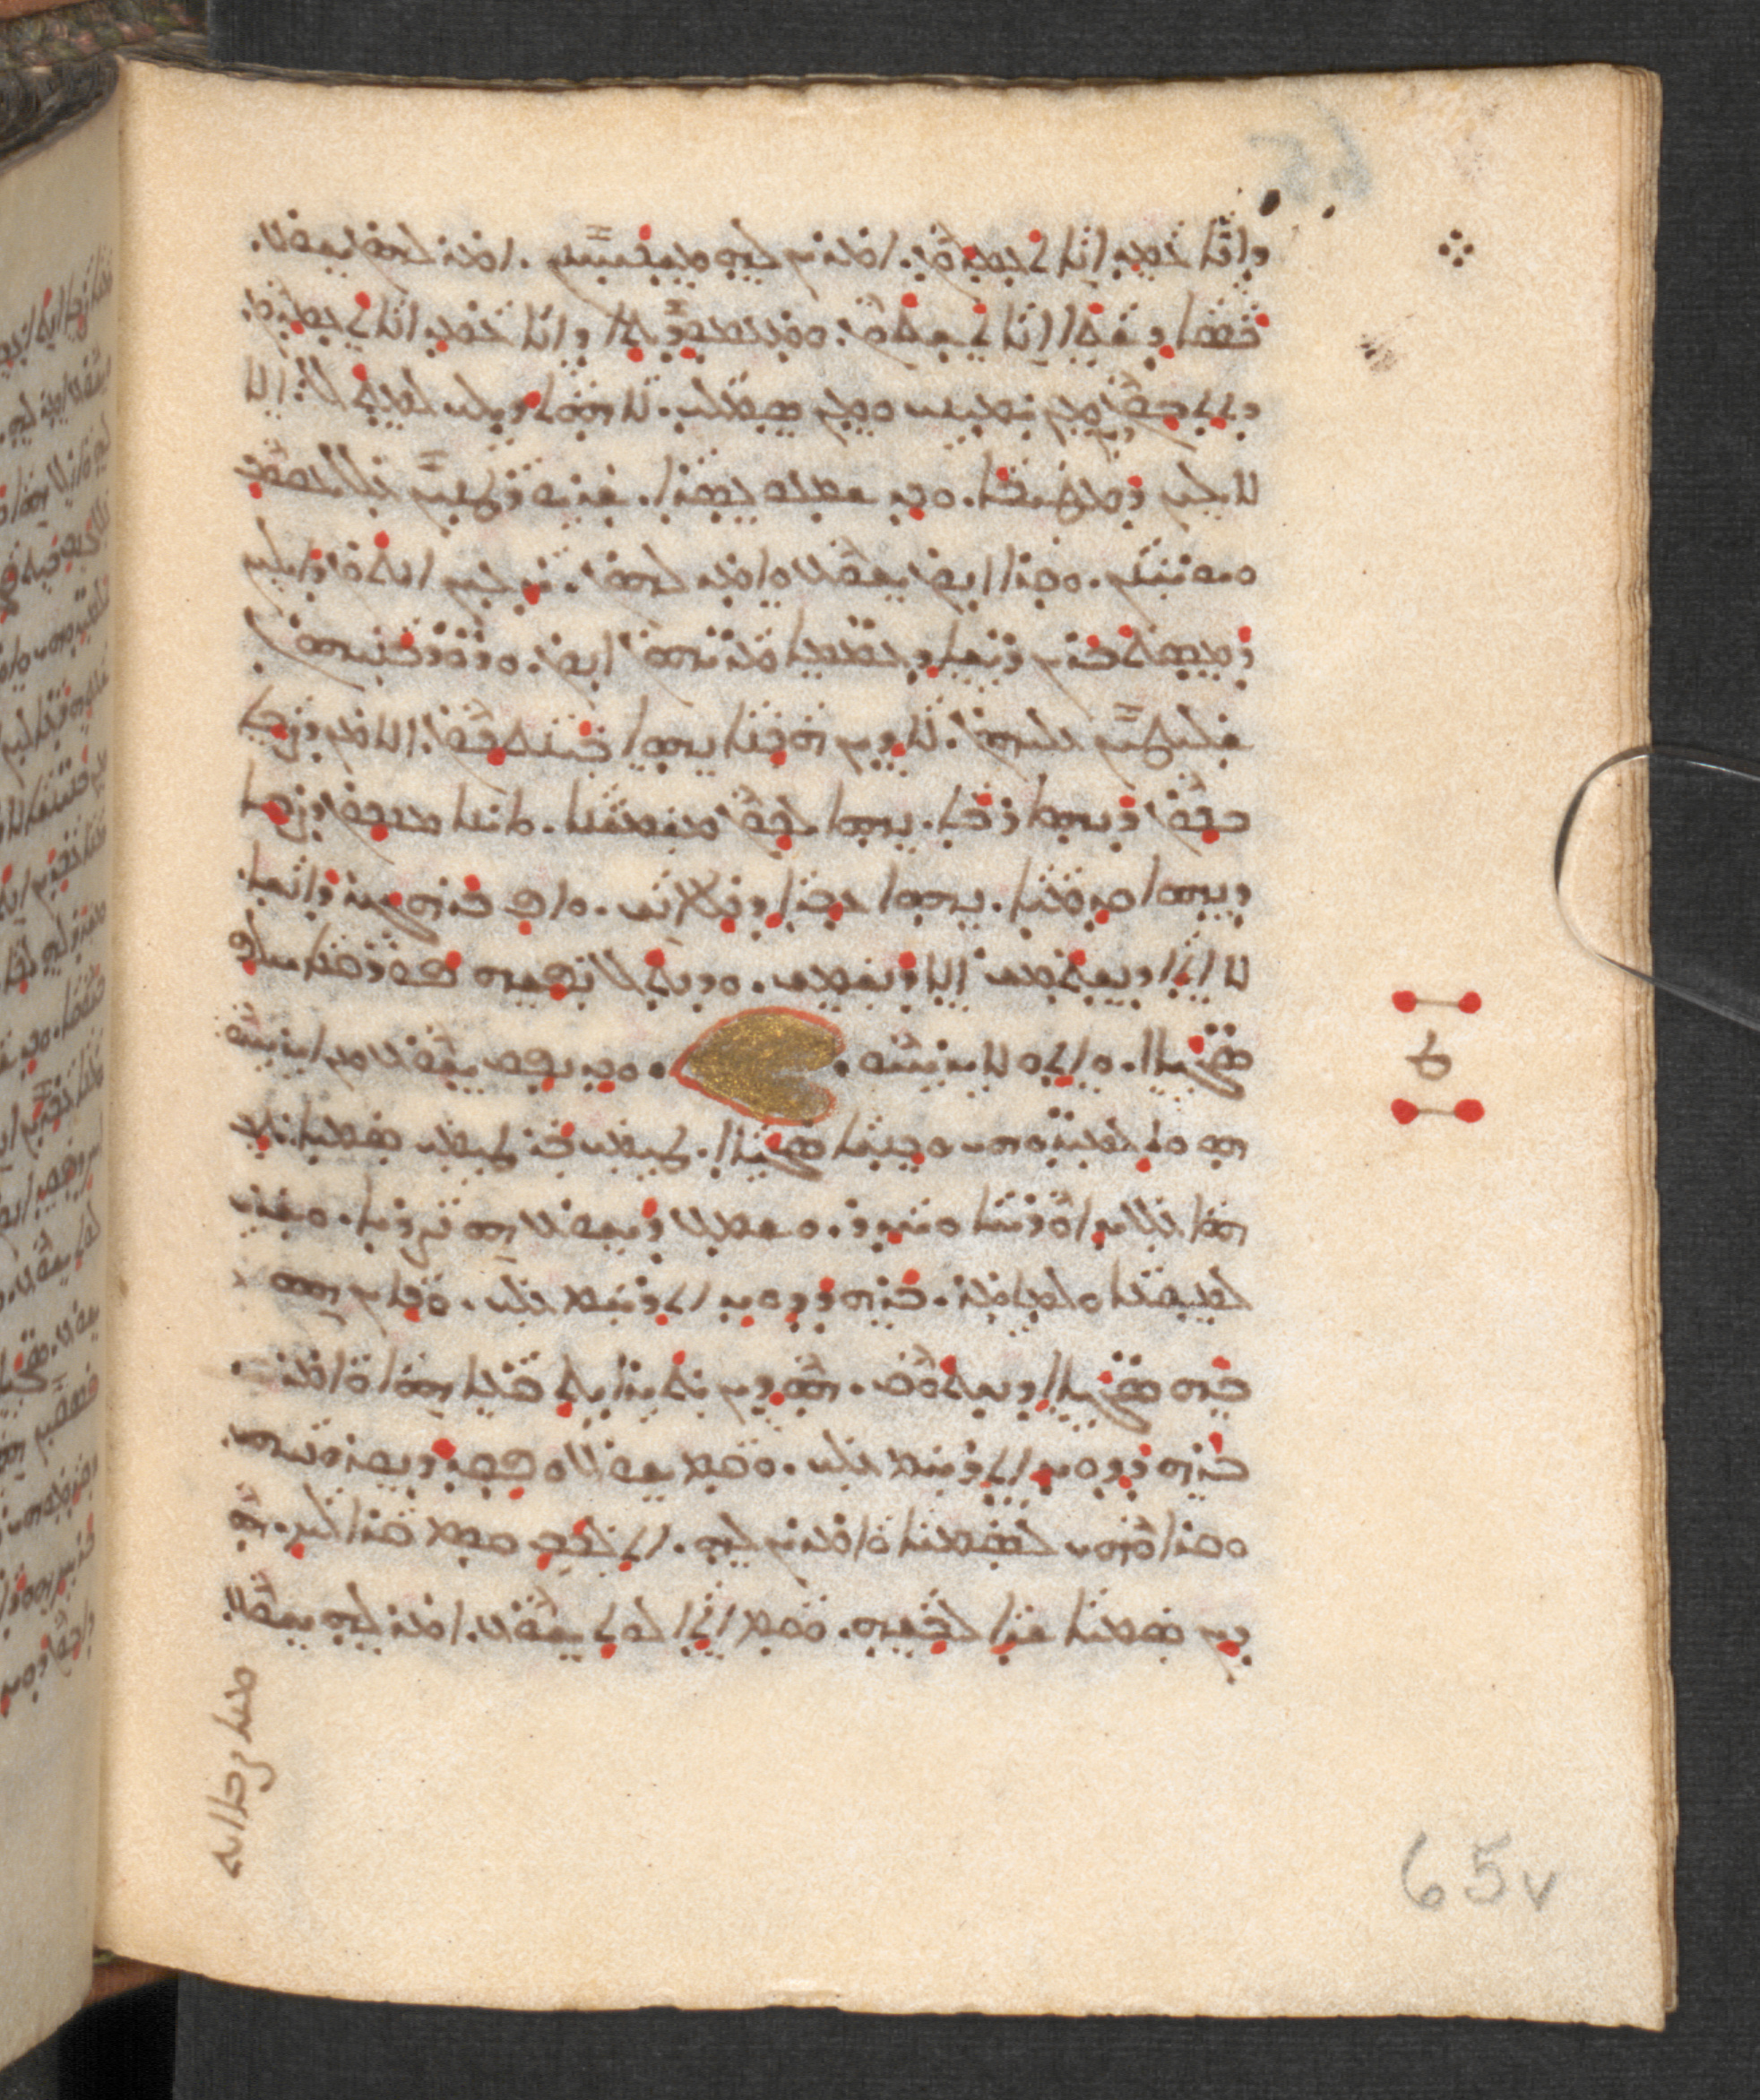ܕܐܢܐ ܥܡܕ ܐܢܐ ܬܥܡܕܘܢ܆ ܐܡ̇ܪܝܢ ܠܗ ܡܫܟܚܝܢܢ. ܐܡ̇ܪ ܠܗܘܢ ܝܫܘܥ.
ܟܣܐ ܕܫܬܐ ܐܢܐ ܬܫܬܘܢ. ܘܡܥܡܘܕܝܬܐ ܕܐܢܐ ܥ̇ܡܕ ܐܢܐ ܬܥܡܕܘܢ
ܕܬܬܒܘܢ ܕܝܢ ܡܢ ܝܡܝܢܝ ܘܡ̣ܢ ܣܡܠܝ܆ ܠܐ ܗܘܬ ܕܝܠܝ ܠܡܬܠ: ܐܠܐ
ܠܐܠܝܢ ܕܡܛܝܒܐ. ܘܟܕ ܫܡ̣ܥܘ ܥܣܪܐ. ܫܪܝܘ ܪܛܢܝܢ ܥܠ ܥܩܘܒ
ܘܝܘܚܢܢ. ܘܩ̣ܪܐ ܐܢܘܢ ܝܫܘܥ ܘܐܡܪ ܠܗܘܢ. ܝ̇ܕܥܝܢ ܐܢܬܘܢ ܕܐܝܠܝܢ
ܪܡܣܬܒܪܝܢ ܪ̈ܝܫܐ ܕܥܡ̈ܡܐ ܡܪ̈ܝܗܘܢ ܐܢܘܢ. ܘܪ̈ܘܪܒܢܝܗܘܢ
ܫܠܝܛܝܢ ܥܠܝܗܘܢ. ܠܐ ܕܝܢ ܗܟܢܐ ܢܗܘܐ ܒܝܢܬܟܘܢ. ܐܠܐ ܡ̇ܢ ܕܨܒܐ
ܒܟܘܢ ܕܢܗܘܐ ܪܒܐ܆ ܢܗܘܐ ܠܟܘܢ ܡܫܡܫܢܐ. ܘܐܝܢܐ ܡܢܟܘܢ ܕܨ̇ܒܐ
ܕܢܗܘܐ ܩܕܡܝܐ. ܢܗܘܐ ܥܒܕܐ ܕܟܠ ܐܢܫ. ܘܐܦ ܒܪܗ ܓܝܪ ܕܐܢܫܐ
ܠܐ ܐܬ̣ܐ ܕܢܫܬܡܫ ܐܠܐ ܕܢܫܡܫ. ܘܕܢܬܠ ܢܦܫܗ ܦܘܪܩܢܐ ܚܠܦ
ܣ̈ܓܐܐ. ܘܐܬ̣ܘ ܠܐܝܪܝܚܘ. ܀ ܘܟܕ ܢܦܩ ܝܫܘܥ ܡܢ ܐܝܪܝܚܘ
ܗ̣ܘ ܘܬܠܡܝ̈ܕܘܗܝ ܘܟܢܫܐ ܣܓܝܐܐ܆ ܛܝܡܝ ܒܪ ܛܝܡܝ ܣܡܝܐ܆ ܝ̇ܬܒ
ܗܘܐ ܥܠ ܝܕ ܐܘܪܚܐ ܘܚܕܪ. ܘܫܡ̣ܥ ܕܝܫܘܥ ܗܘ ܢܨܪܝܐ. ܘܫܪܝ
ܠܡܩܥ̈ܐ ܘܠܡܐܡܪ. ܒܪܗ ܕܕܘܝܕ ܐܬܪܚܡ ܥܠܝ. ܘܟܐܝܢ ܗܘܘ
ܒܗ ܣ̈ܓܝܐܐ ܕܢܫܬܘܩ. ܗ̣ܘ ܕܝܢ ܝܬܝܪܐܝܬ ܩ̇ܥܐ ܗܘܐ ܘܐܡ̇ܪ.
ܒܪܗ ܕܕܘܝܕ ܐܬܪܚܡ ܥܠܝ. ܘܩ̣ܡ ܝܫܘܥ ܘܦܩ̣ܕ ܕܢܩܪܘܢܝܗܝ.
ܘܩܪܐܘܗܝ ܠܣܡܝܐ ܘܐܡ̇ܪܝܢ ܠܗ. ܐܬܠܒܒ ܩܘܡ ܩܪܐ ܠܟ. ܗ̣ܘ
ܕܝܢ ܣܡܝܐ ܫܕܐ ܠܒܫܗ. ܘܩ̣ܡ ܐܬܐ ܠܘܬ ܝܫܘܥ. ܐܡ̇ܪ ܠܗ ܝܫܘܥ
܀
ܛ
ܡܢܐ ܨܒܐ ܐܝܬ
65v